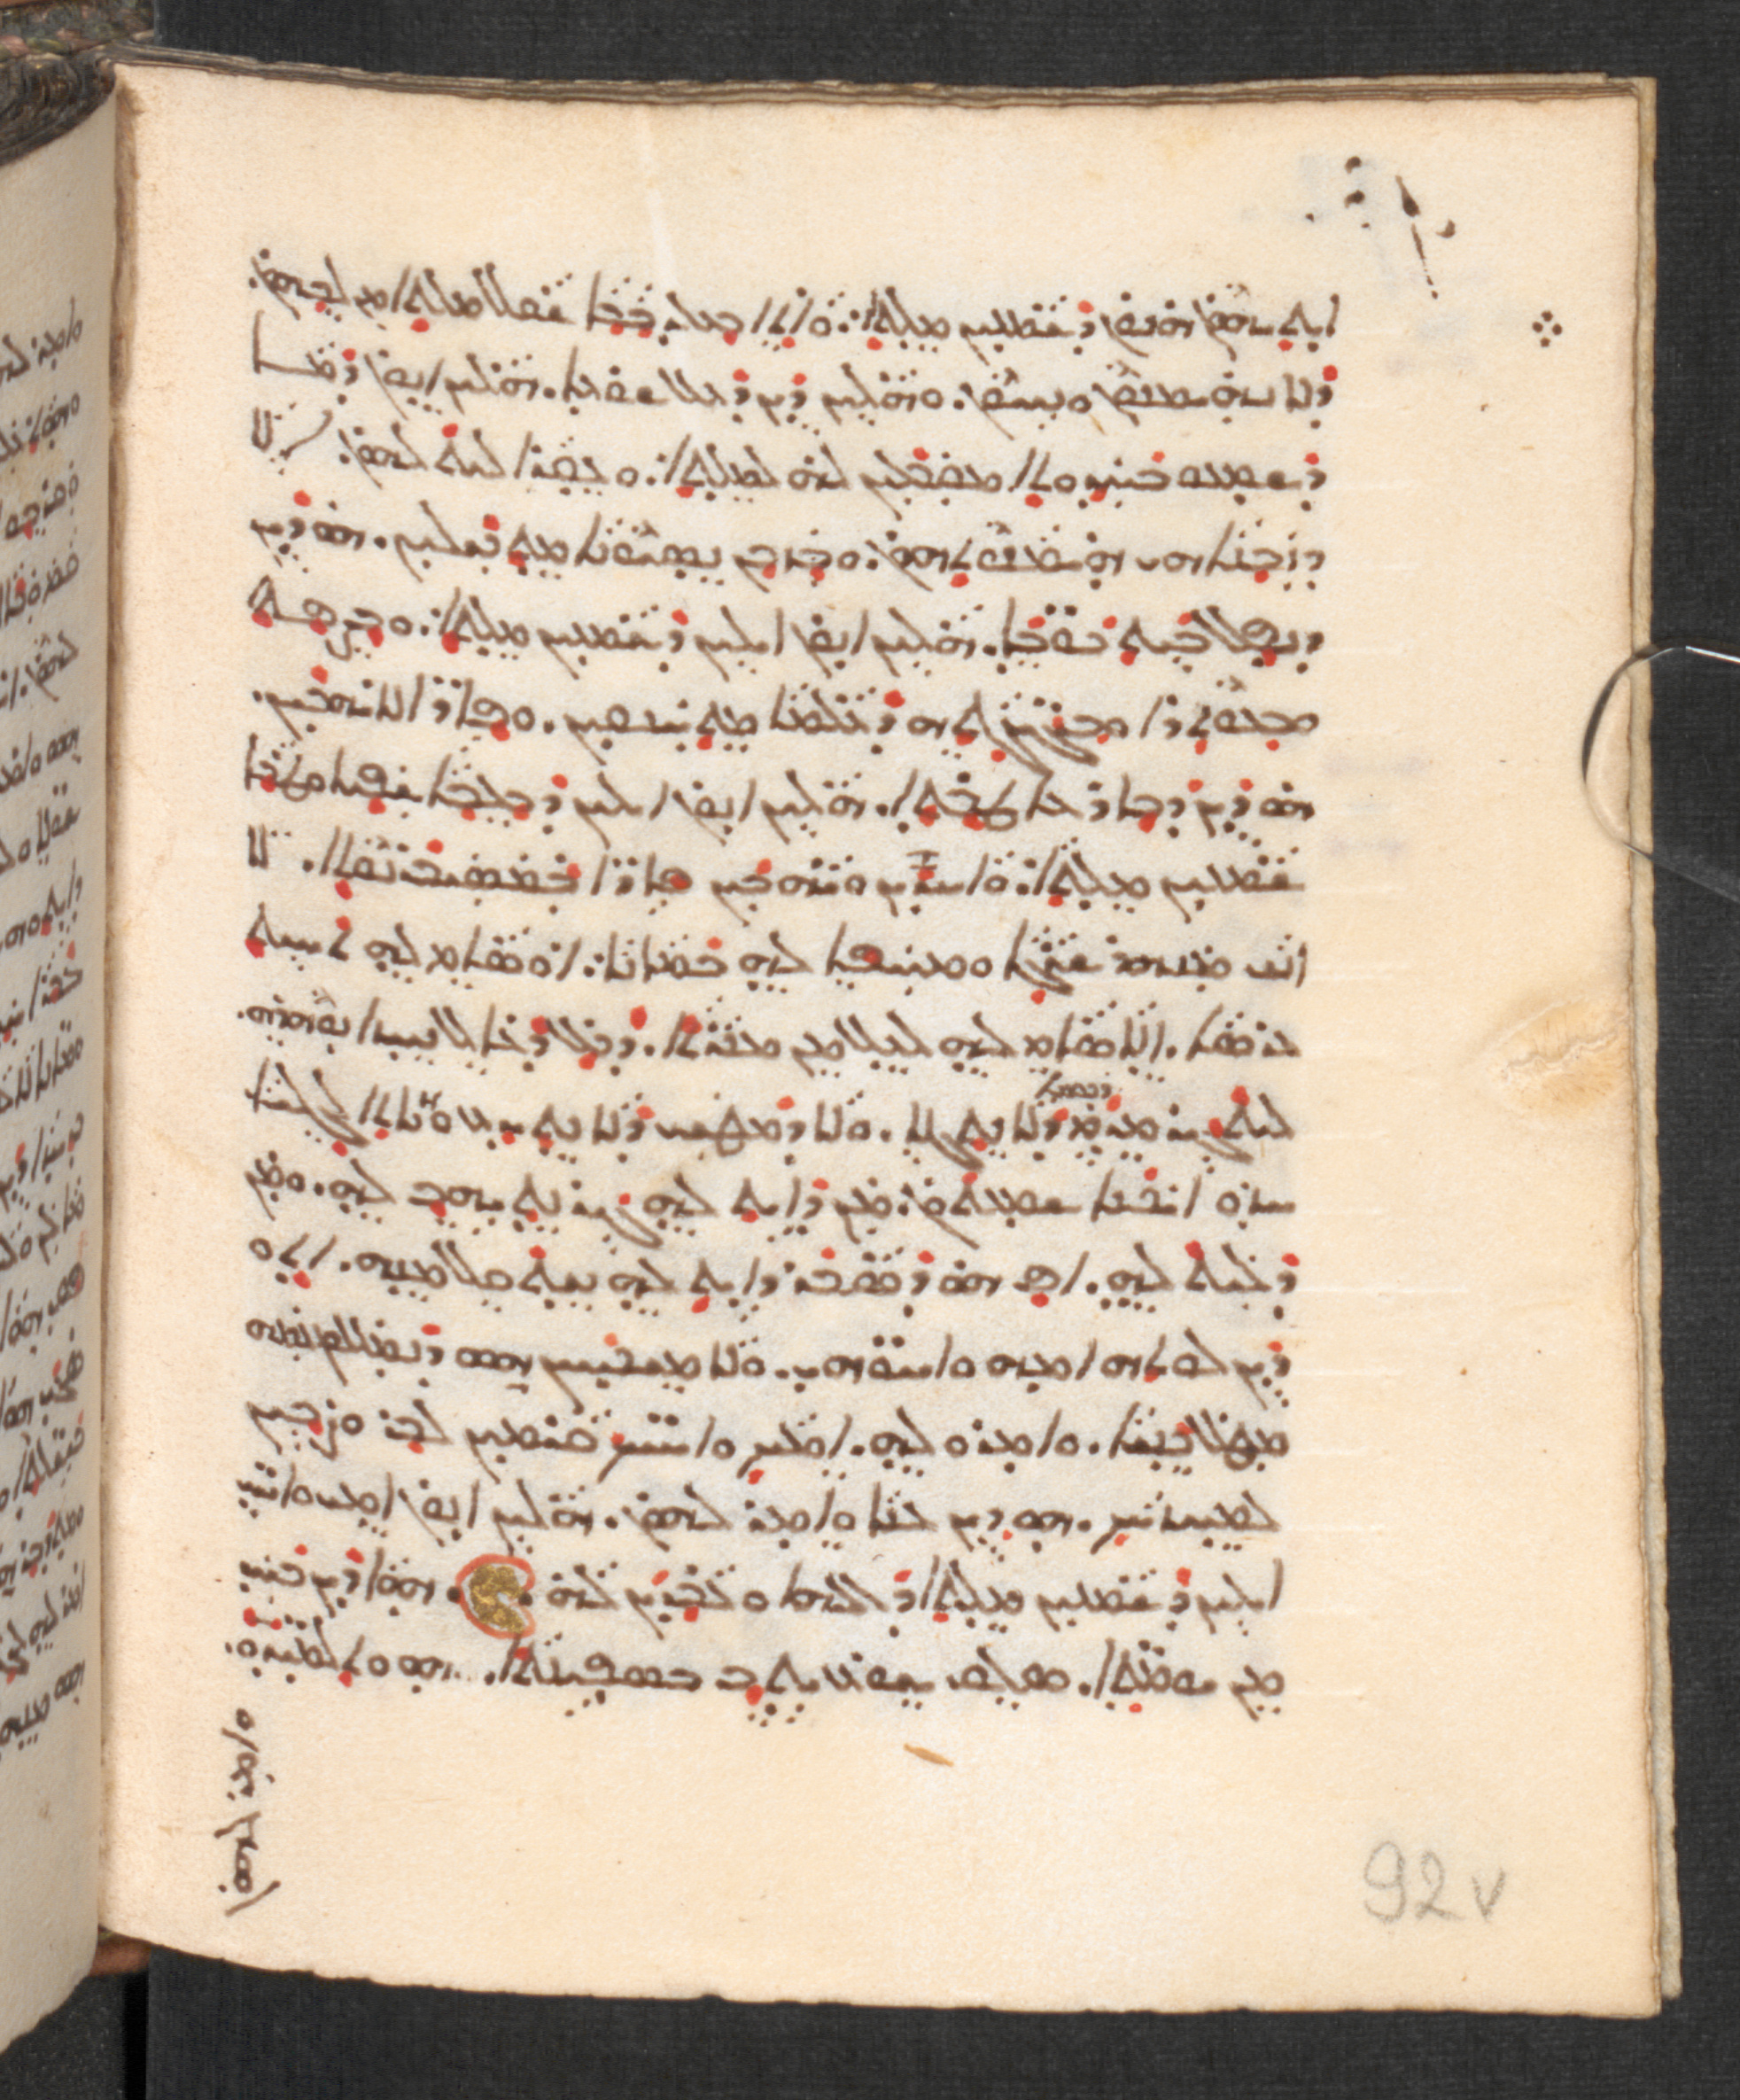ܐܝ̣ܬܝܗܘܢ ܗ̇ܢܘܢ ܕܫ̇ܡܥ̣ܝܢ ܡܠܬܐ܇ ܘܐܬ̇ܐ ܒܥܠܕܒܒܐ ܫ̇ܩܠ ܡܠܬܐ ܡ̣ܢ ܠܒܗܘܢ܇
ܕܠܐ ܢܗ̇ܝܡܢܘܢ ܘܢܚܘܢ. ܘܗ̇ܠܝܢ ܕܝܢ ܕܥܠ ܫܘܥܐ. ܗ̇ܠܝܢ ܐܢܘܢ ܕܡܐ
ܕܫܡ̣ܥܘ ܒܚܕܘܬܐ ܡܩܒܠܝܢ ܠܗ̇ ܠܡܠܬ̣ܐ܇ ܘܥܩ̣ܪܐ ܠܝܬ ܠܗܘܢ. ܐܠܐ
ܕܙܒܢܐ ܗܝ ܗܝܡܢܘܬܗܘܢ. ܘܒܙܒܢ ܢܣ̣ܝܘܢܐ ܡܬ̣ܟܫܠܝܢ. ܗ̇ܘ ܕܝܢ
ܕܢܦ̣ܠ ܒܝܬ ܟܘ̈ܒܐ܆ ܗ̇ܠܝܢ ܐܢܘܢ ܐܝܠܝܢ ܕܫ̇ܡܥ̣ܝܢ ܡܠ̣ܬܐ܇ ܘܒܨܦܬܐ
ܘܒܥܘܬܪܐ ܘܒܪ̈ܓܝܓܬܗ ܕܥܠܡܐ ܡܬܚܢܩܝܢ. ܘܦܐܪ̈ܐ ܠܐ ܝ̇ܗܒ̣ܝܢ.
ܗ̇ܘ ܕܝܢ ܕܒܐܪܥܐ ܛܒܬܐ܆ ܗ̇ܠܝܢ ܐܢܘܢ ܐܝܠܝܢ ܕܒܠܒܐ ܫܦܝܐ ܘܛܒܐ
ܫ̇ܡܥܝܢ ܡܠ̣ܬܐ܇ ܘܐܚܕܝܢ ܘܝ̇ܗܒܝܢ ܦܐܪ̈ܐ ܒܡܣܝܒܪܢܘܬܐ. ܠܐ
ܐܢܫ ܡܢܗܪ ܫܪܓܐ ܘܡܚܦܐ ܠܗ ܒܡܐܢܐ܇ ܐܘ ܣ̇ܐܡ ܠܗ ܬܚܝܬ
ܥܪܣܐ. ܐܠ̣ܐ ܣ̇ܐܡ ܠܗ ܠܟܠ ܡ̣ܢ ܡܢܪܬܐ. ܕܟܠ ܕܥ̇ܐܠ ܢܚܙܐ ܢܘܗܪܗ.
ܠܝܬܓܝܪ ܡܕܡ ܕܟܣܐ ܕܠܐ ܢܬܓܠܐ. ܘܠܐ ܕܡܛܫܝ ܕܠܐ ܢܬܝܕܥ ܘܢܐܬܐ ܠܓܠܝܐ
ܚܙܘ ܐܝܟܢܐ ܫܡܥܬܘܢ. ܡ̇ܢ ܕܐܝܬ ܠܗ ܓܝܪ ܢܬܝܗܒ ܠܗ. ܘܡ̇ܢ
ܕܠܝܬ ܠܗ. ܐܦ ܗ̇ܘ ܕܣ̇ܒܪ ܕܐܝ̣ܬ ܠܗ ܢܫܬ̣ܩܠ ܡܢܗ.ܐܬ̣ܘ
ܕܝܢ ܠܘܬܗ ܐܡ̣ܗ ܘܐܚܘ̈ܗܝ܆ ܘܠܐ ܡܫܟܚ̣ܝܢ ܗܘܘ ܕܢܡܠܠܘܢ ܥܡܗ
ܡܛܠ ܟܢܫܐ. ܘܐܡ̣ܪܘ ܠܗ. ܐܡܟ ܘܐܚ̈ܝܟ ܩܝ̇ܡܝܢ ܠܒܪ ܘܨ̇ܒܝܢ
ܠܡܚ̣ܙܝܟ. ܗ̣ܘ ܕܝܢ ܥܢܐ ܘܐܡ̣ܪ ܠܗܘܢ. ܗ̇ܠܝܢ ܐܢܘܢ ܐܡܝ ܘܐܚ̈ܝ
ܐܝܠܝܢ ܕܫ̇ܡܥܝܢ ܡܠܬܐ ܕܐܠܗܐ ܘܥ̇ܒܕܝܢ ܠܗ̇܀܀ ܗ̣ܘܐ ܕܝܢ ܒܚܕ
ܡ̣ܢ ܝܘܡ̈ܬܐ܆ ܣܠ̣ܩ ܝܫܘܥ ܝܬ̣ܒ ܒܣܦܝܢܬܐ. ܗ̣ܘ ܘܬܠܡ̈ܝܕ܏ܘ.
܀
ܘܐܡ̣ܪ ܠܗܘ̇ܢ
92v